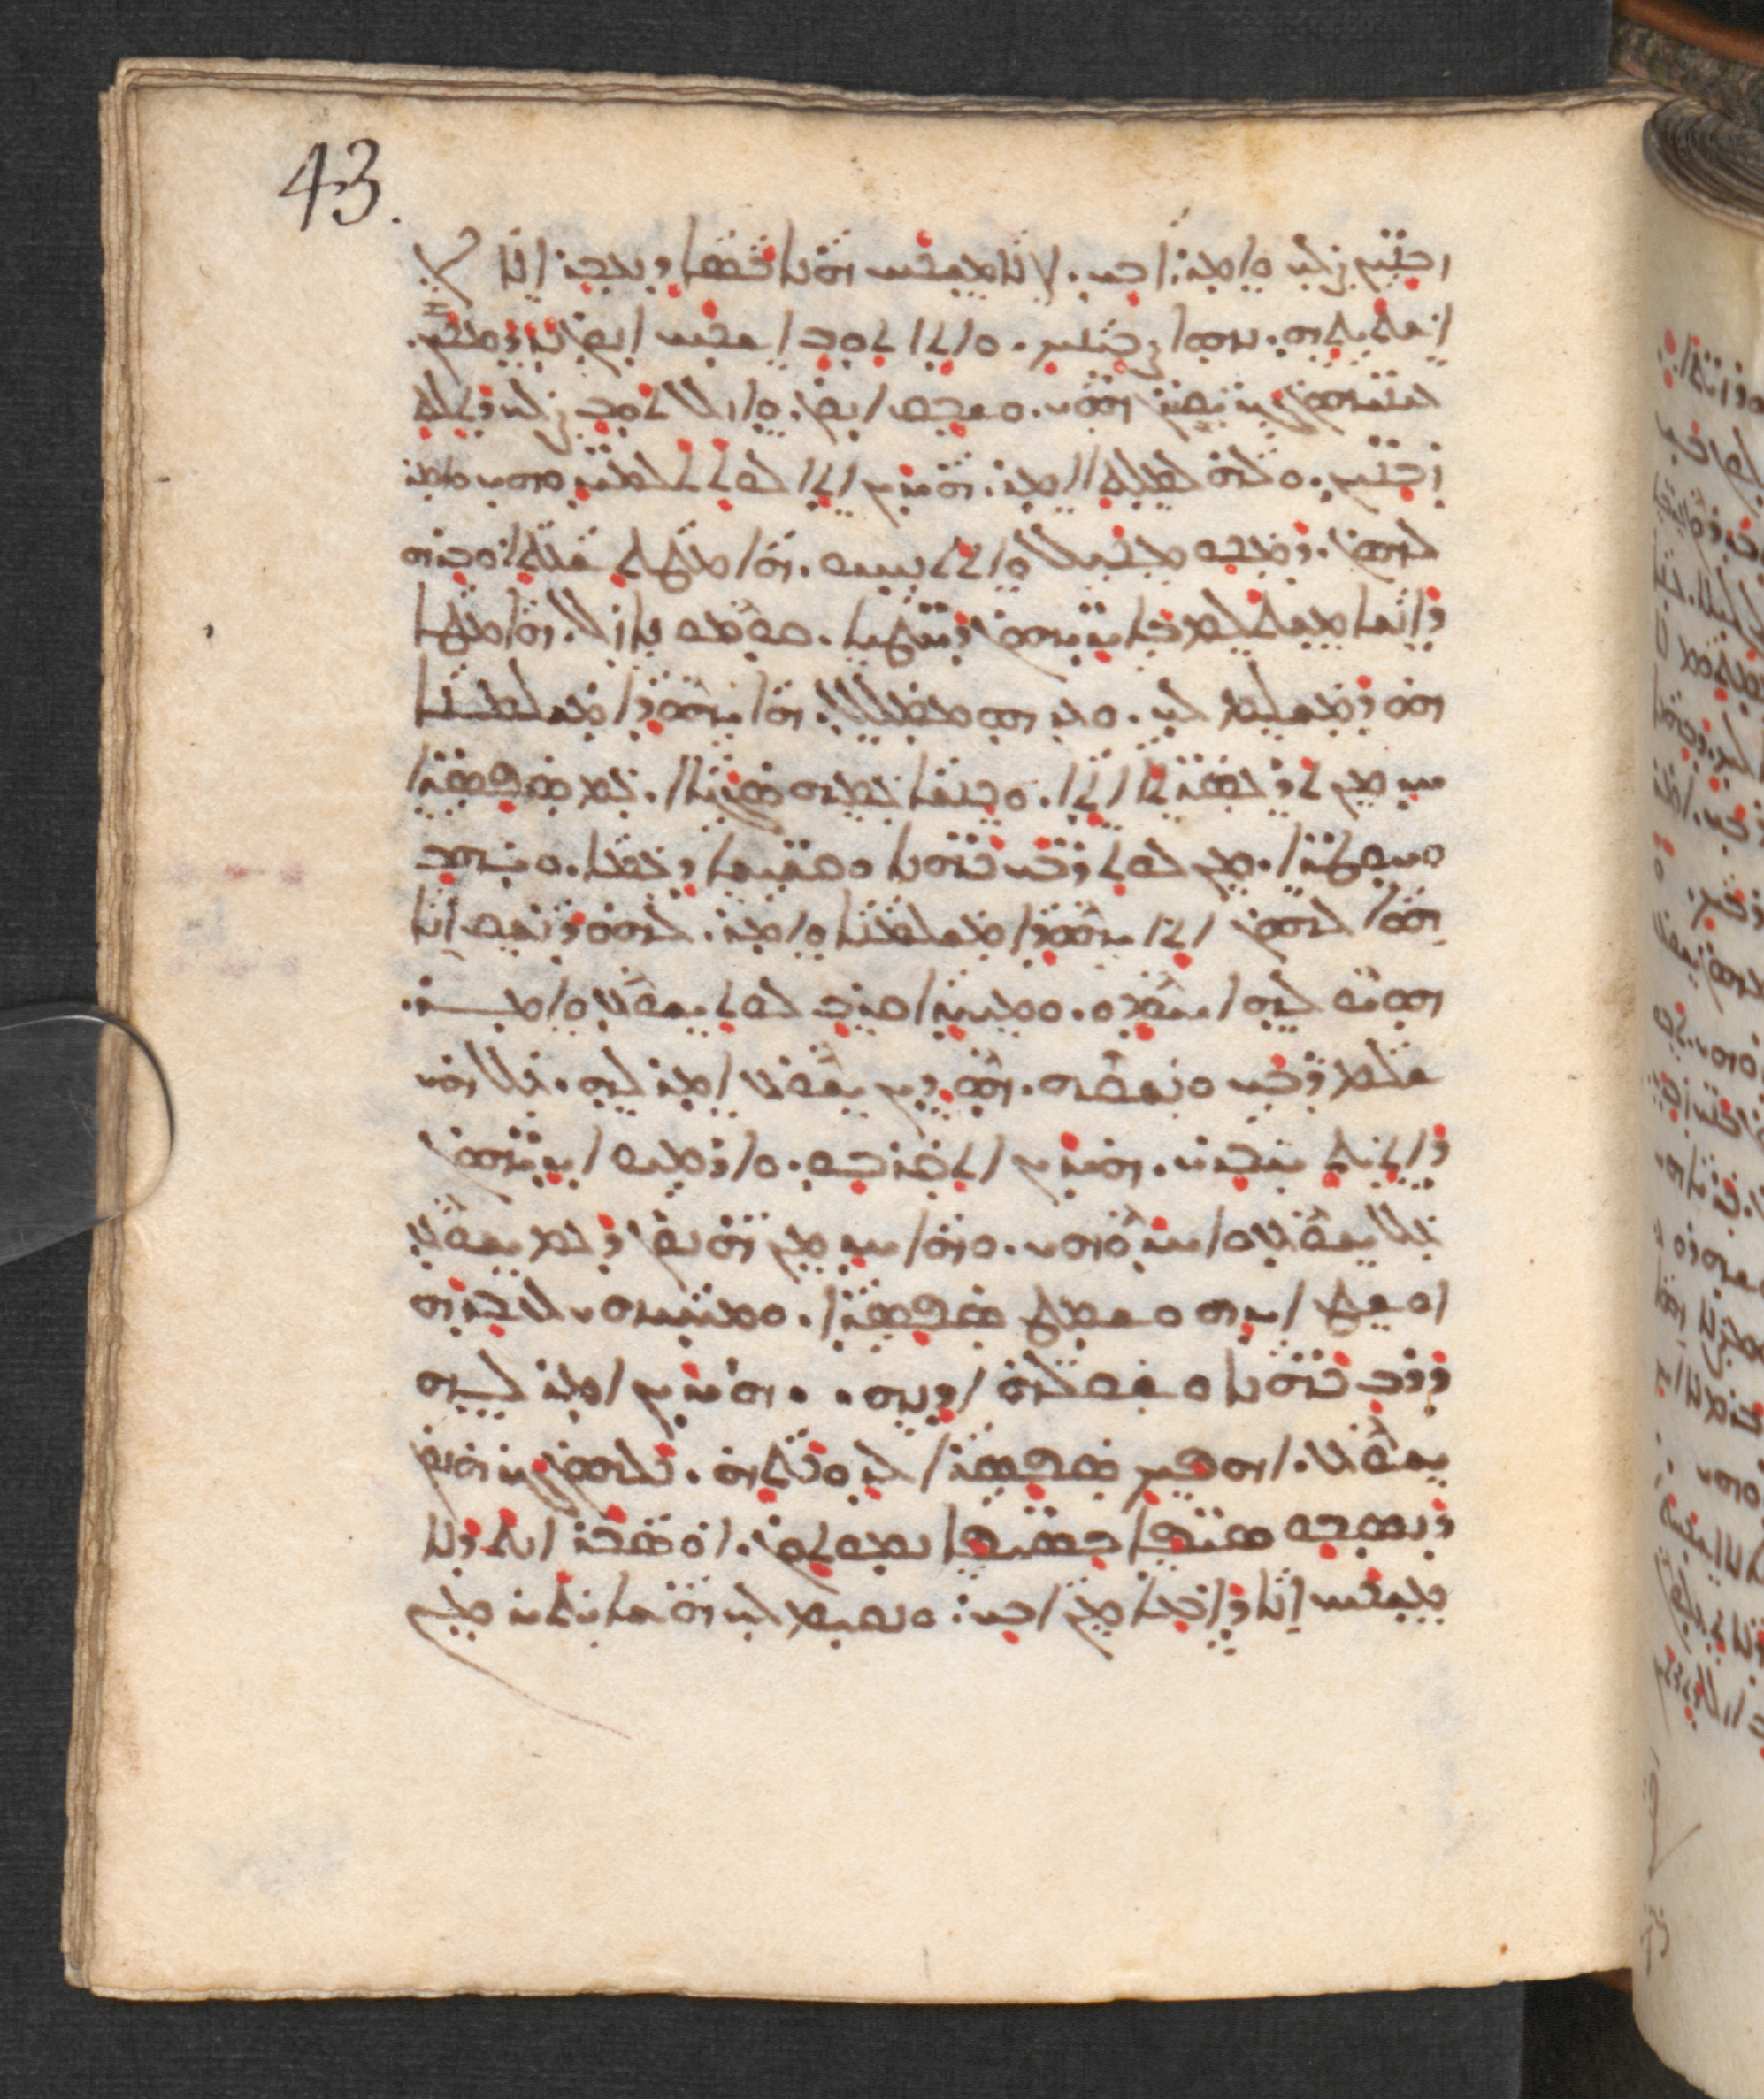ܙܒܢ̈ܝܢ ܨܠܝ ܘܐܡ̣ܪ ܐܒܝ܆ ܐܢ ܠܐ ܡܫܟܚ ܗܢܐ ܟܣܐ ܕܢܥܒܪ ܐܠܐ ܐܢ
ܐܫܬܝܬܗ܆ ܢܗܘܐ ܨܒܝܢܟ. ܘܐܬ̣ܐ ܬܘܒ ܐܫܟܚ ܐܢܘܢ ܟܕ ܕܡܟܝܢ.
ܥܝܢ̈ܝܗܘܢ ܓܝܪ ܝܩܝܪܢ ܗܘܝ. ܘܫܒ̣ܩ ܐܢܘܢ. ܘܐܙܠ ܬܘܒ ܨܠܝ ܕܬܠܬ
ܙܒܢ̈ܝܢ܆ ܘܠܗ̇ ܠܡܠܬܐ ܐܡ̣ܪ. ܗܝܕܝܢ ܐܬܐ ܠܘܬ ܬܠܡܝ̈ܕܘܗܝ ܘܐܡ̣ܪ
ܠܗܘܢ. ܕܡܟܘ ܡܟܝܠ ܘܐܬܬܢܝܚܘ. ܗܐ ܡܛܬ ܫܥܬܐ ܘܒܪܗ
ܕܐܢܫܐ ܡܫܬܠܡ ܒܐܝܕܝ̈ܗܘܢ ܕܚ̈ܛܝܐ. ܩܘܡܘ ܢܐܙܠ. ܗܐ ܡܛܐ
ܗܘ ܕܡܫܠܡ ܠܝ. ܘܥܕ ܗܘ ܡܡܠܠ܆ ܗܐ ܝܗܘܕܐ ܡܫܠܡܢܐ
ܚܕ ܡܢ ܬܪܥܣܪ̈ܬܐ ܐܬܐ. ܘܟܢܫܐ ܥܡܗ ܣܓܝܐܐ. ܥܡ ܣܦܣܪ̈ܐ
ܘܚܘܛܪ̈ܐ. ܡܢ ܠܘܬ ܪ̈ܒܝ ܟܗܢܐ ܕܩܫ̈ܝܫܐ ܕܥܡܐ. ܘܝܗܒ
ܗܘܐ ܠܗܘܢ ܐܬܐ ܝܗܘܕܐ ܡܫܠܡܢܐ ܘܐܡ̣ܪ. ܠܗܘ ܕܢ̇ܫܩ ܐܢܐ
ܗܘܝܘ ܠܗ ܐܚܘܕܘ. ܘܡܚܕܐ ܩܪܒ ܠܘܬ ܝܫܘܥ ܘܐܡ̣ܪ.
ܫܠܡ ܪܒܝ ܘܢܫܩܗ. ܗ̣ܘ ܕܝܢ ܝܫܘܥ ܐܡ̣ܪ ܠܗ. ܥܠ ܗ̇ܝ
ܐܬܝܬ ܚܒܪܝ. ܗܝܕܝܢ ܐܬܩܪܒܘ. ܘܐܪܡܝܘ ܐܝܕܝ̈ܗܘܢ
ܥܠ ܝܫܘܥ ܘܐܚܕܘܗܝ. ܘܗܐ ܚܕ ܡܢ ܗܢܘܢ ܕܥܡ ܝܫܘܥ
ܐܘܫܛ ܐܝܕܗ ܘܫܡܛ ܣܦܣܪܐ. ܘܡܚܝܗܝ ܠܥܒܕܗ
ܕܪܒ ܟܗ̈ܢܐ ܘܫܩܠܗ̇ ܐܕܢܗ.. ܗܝܕܝܢ ܐܡ̣ܪ ܠܗ
ܝܫܘܥ. ܐܗܦܟ ܣܦܣܪܐ ܠܕܘܟܬܗ̇. ܟܠܗܘܓܝܪ ܗܢܘܢ
ܕܢܣܒܘ ܣܝ̈ܦܐ ܒܣܝ̈ܦܐ ܢܡܘܬܘܢ. ܐܘ ܣܒܪ ܐܢܬ ܕܠܐ
ܡܫܟܚ ܐܢܐ ܕܐܒܥܐ ܡܢ ܐܒܝ: ܘܢܩܝܡ ܠܝ ܗܫܐ ܝܬܝܪ ܡܢ
43